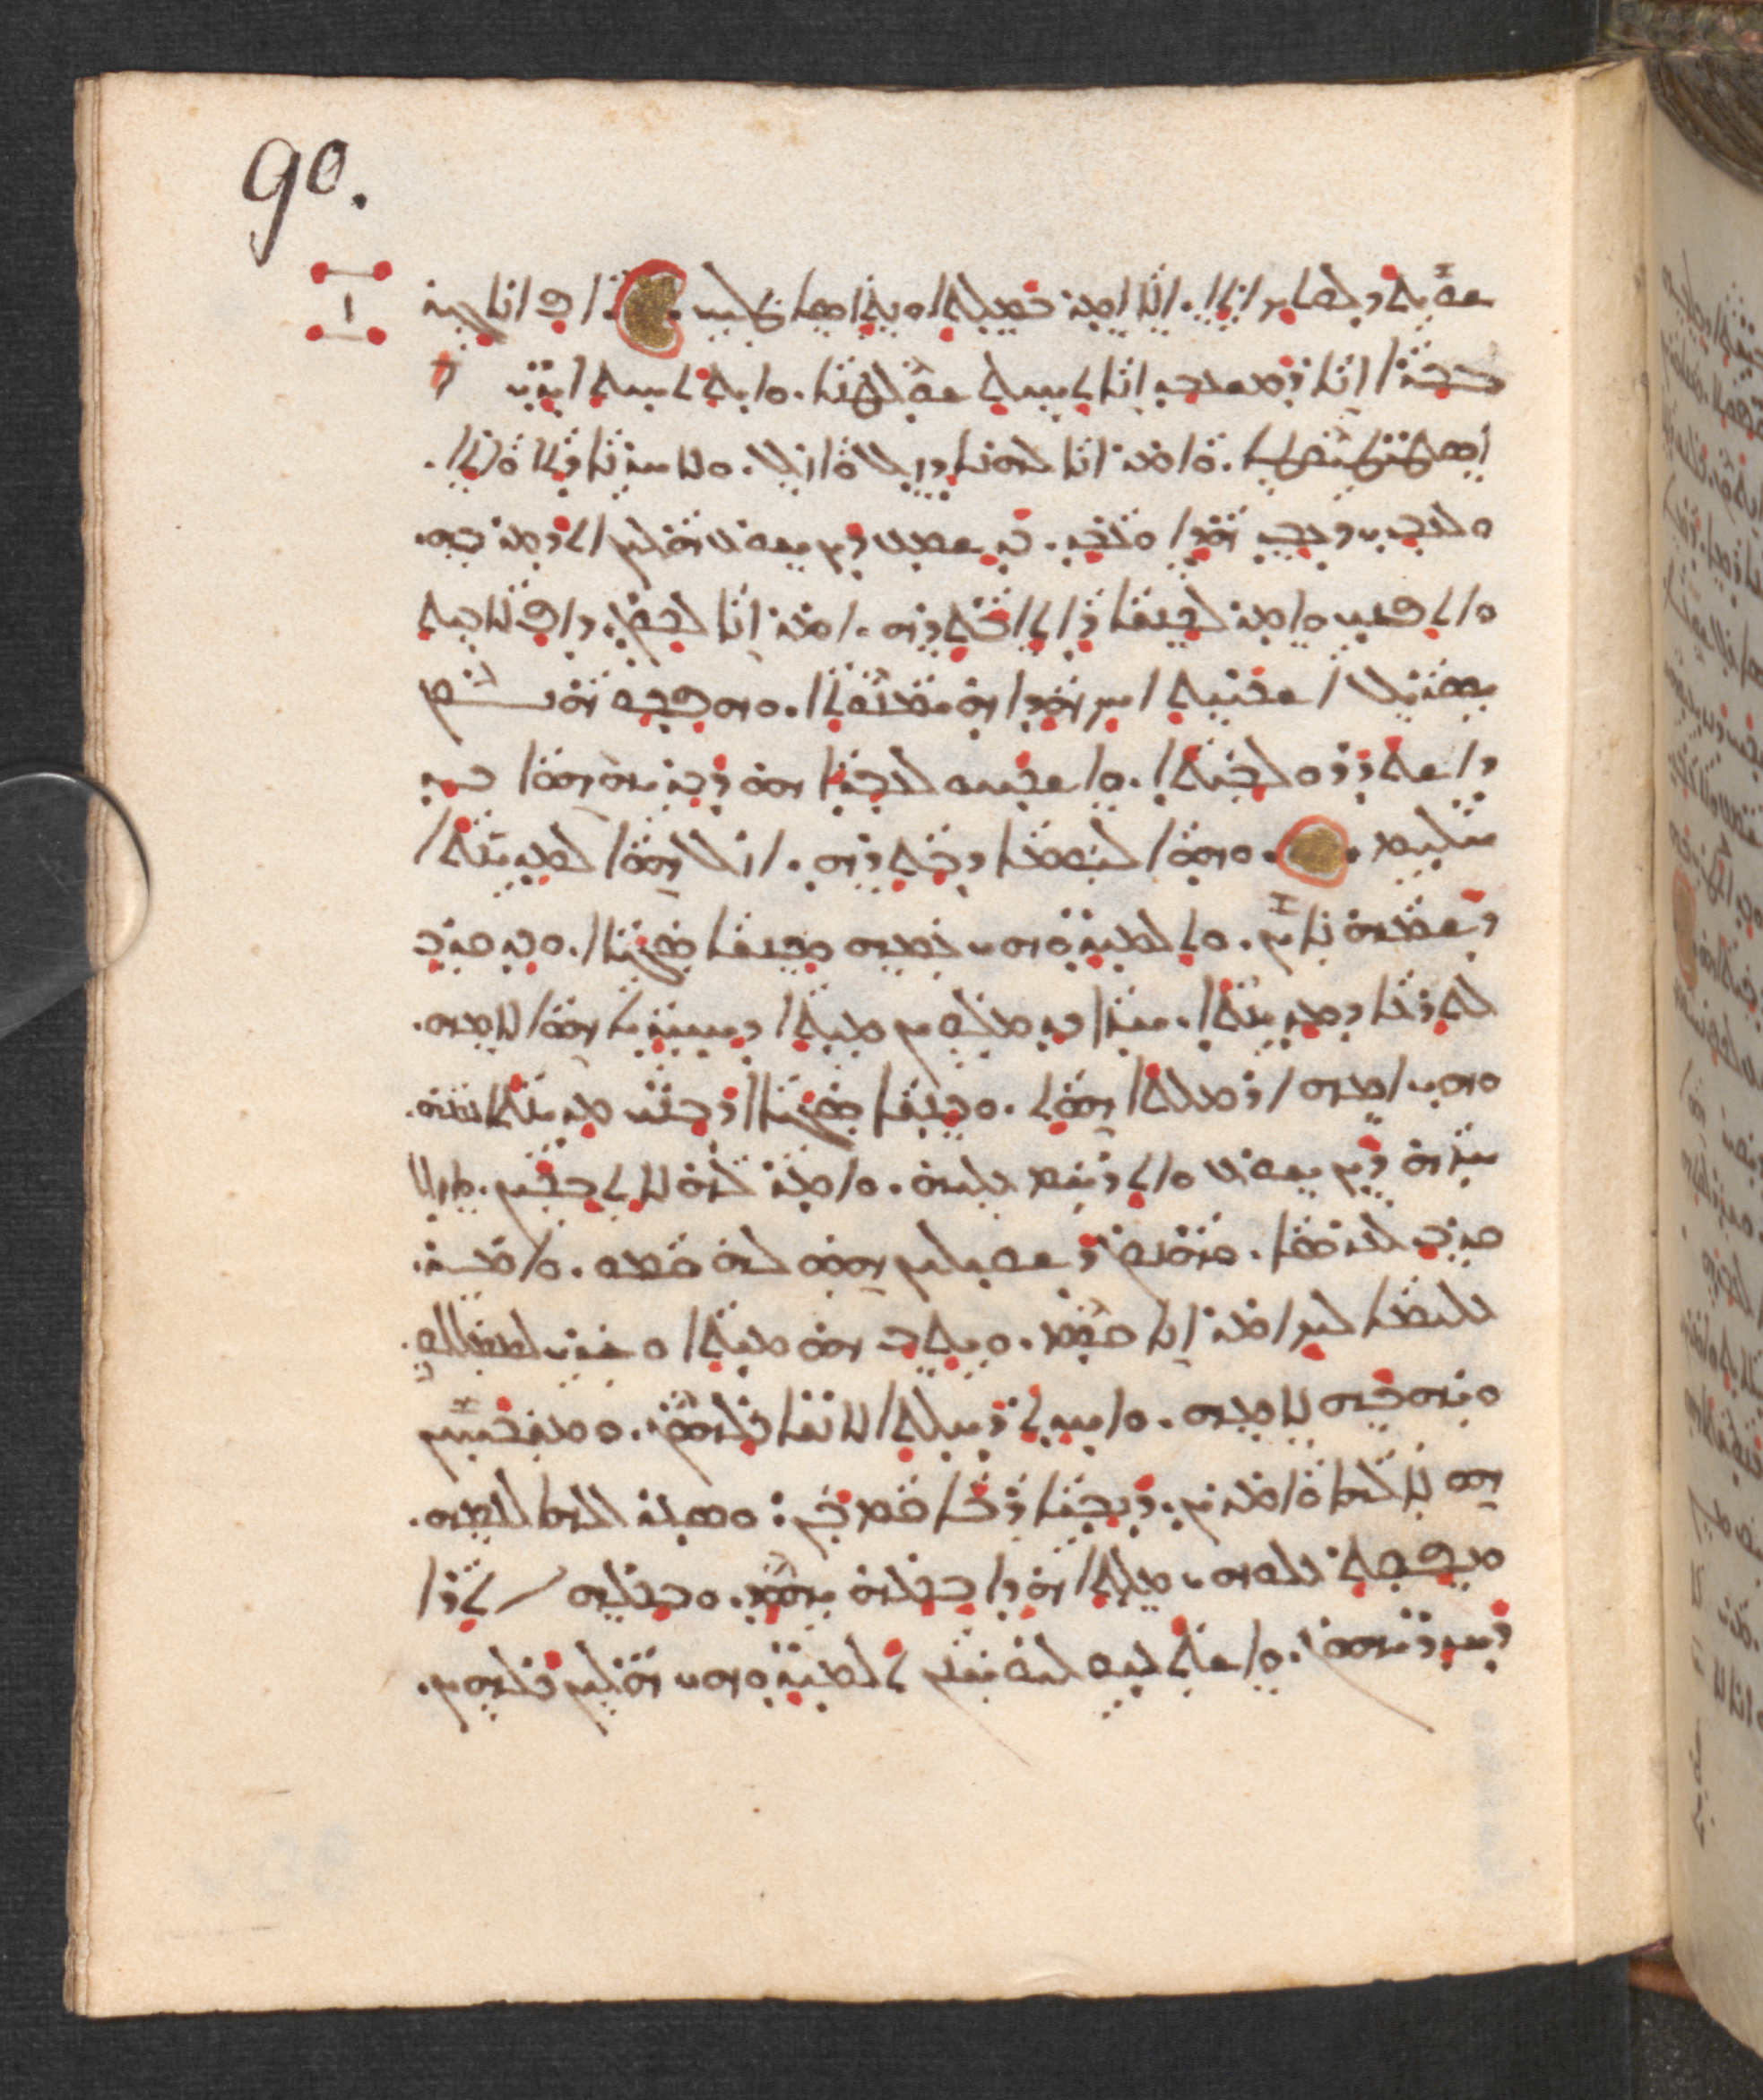ܫܘܝܬ ܕܠܘܬܟ ܐܬ̇ܐ. ܐܠܐ ܐܡ̣ܪ ܒܡܠܬܐ ܘܢܬܐܣܐ ܛܠܝܝ. ܐܦ ܐܢܐ ܓܝܪ
ܓܒܪܐ ܐܢܐ ܕܡܫܥܒܕ ܐܢܐ ܬܚܝܬ ܫܘܠܛܢܐ. ܘܐܝܬ ܬܚܝܬ ܐܝ̈ܕܝ ܏ܐ
ܐܣܛܪ̈ܛܝܘܛܐ. ܘܐܡ̇ܪ ܐܢܐ ܠܗܢܐ ܕܙ̣ܠ ܘܐܙ̇ܠ. ܘܠܐܚܪܢܐ ܕܬܐ ܘܐܬ̇ܐ.
ܘܠܥܒܕܝ ܕܥܒܕ ܗܕܐ ܘܥ̇ܒܕ. ܟܕ ܫܡ̣ܥ ܕܝܢ ܝܫܘܥ ܗܠܝܢ ܐܬܕܡܪ ܒܗ.
ܘܐܬܦܢܝ ܘܐܡ̣ܪ ܠܟܢܫܐ ܕܐܬ̣ܐ ܒܬܪܗ. ܐܡ̇ܪ ܐܢܐ ܠܟܘܢ܆ ܕܐܦ ܠܐ ܒܝܬ
ܝܣܪܝܠ ܐܫܟܚܬ ܐܝܟ ܗܕܐ ܗܝܡܢܘܬܐ. ܘܗܦܟ̣ܘ ܗ̇ܢܘܢ
ܕܐܫܬܕܪܘ ܠܒܝܬܐ. ܘܐܫܟ̣ܚܘ ܠܥܒܕܐ ܗ̇ܘ ܕܟܪܝܗ ܗܘܐ ܟܕ
ܚܠܝܡ. ܘܗܘܐ ܠܝܘܡܐ ܕܒܬܪܗ. ܐܙ̇ܠ ܗܘܐ ܠܡܕܝܢܬܐ
ܕܫܡܗ̇ ܢܐܝܢ. ܘܬܠܡܝܕ̈ܘܗܝ ܥܡܗ ܘܟܢܫܐ ܣܓܝ̈ܐܐ. ܘܟܕ ܩܪܒ
ܠܬܪܥܐ ܕܡܕܝܢܬܐ. ܚܙ̣ܐ ܟܕ ܡܠܘܝܢ ܡܝܬܐ ܕܝܚܝܕܝܐ ܗܘ̇ܐ ܠܐܡܗ.
ܘܗ̣ܝ ܐܡܗ ܐܪܡܠܬܐ ܗܘ̇ܬ. ܘܟܢܫܐ ܣܓܝܐܐ ܕܒܢ̈ܝ ܡܕܝܢܬܐ ܥܡܗ̇.
ܚܙܗ̇ ܕܝܢ ܝܫܘܥ ܘܐܬܪܚܡ ܥܠܝܗ̇. ܘܐܡ̣ܪ ܠܗ̇ ܠܐ ܬܒܟܝܢ. ܘܐܙ̣ܠ
ܩܪ̣ܒ ܠܥܪܣܐ. ܘܗ̇ܢܘܢ ܕܫܩܝܠܝܢ ܗܘܘ ܠܗ̇ ܩ̇ܡܘ. ܘܐܡ̇ܪ
ܥܠܝܡܐ ܠܟ ܐܡ̇ܪ ܐܢܐ ܩܘܡ. ܘܝܬ̣ܒ ܗ̇ܘ ܡܝܬܐ ܘܫܪܝ ܠܡܡܠܠܘ.
ܘܝܗ̣ܒܗ ܠܐܡܗ. ܘܐܚܕܬ ܕܚܠܬܐ ܠܐܢܫܐ ܟܠܗܘܢ. ܘܡܫܒܚܝܢ
ܗܘ ܠܐܠܗܐ ܘܐܡ̇ܪܝܢ܆ ܕܢܒܝܐ ܪܒܐ ܩܡ ܒܢ: ܘܣܥ̣ܪ ܐܠܗܐ ܠܥܡܗ.
ܘܢܦܩ̣ܬ݀ ܥܠܘܗܝ ܡܠܬܐ ܗܕܐ ܒܟܠܗ̇ ܝܗܘܕ. ܘܒܟܠܗ ܐܬܪܐ
ܕܚܕܪ̈ܝܗܘܢ. ܘܐܫܬܥܝܘ ܠܝܘܚܢܢ ܬܠܡܝܕ̈ܘܗܝ ܗܠܝܢ ܟܠܗܝܢ.
90.
܏ܙ